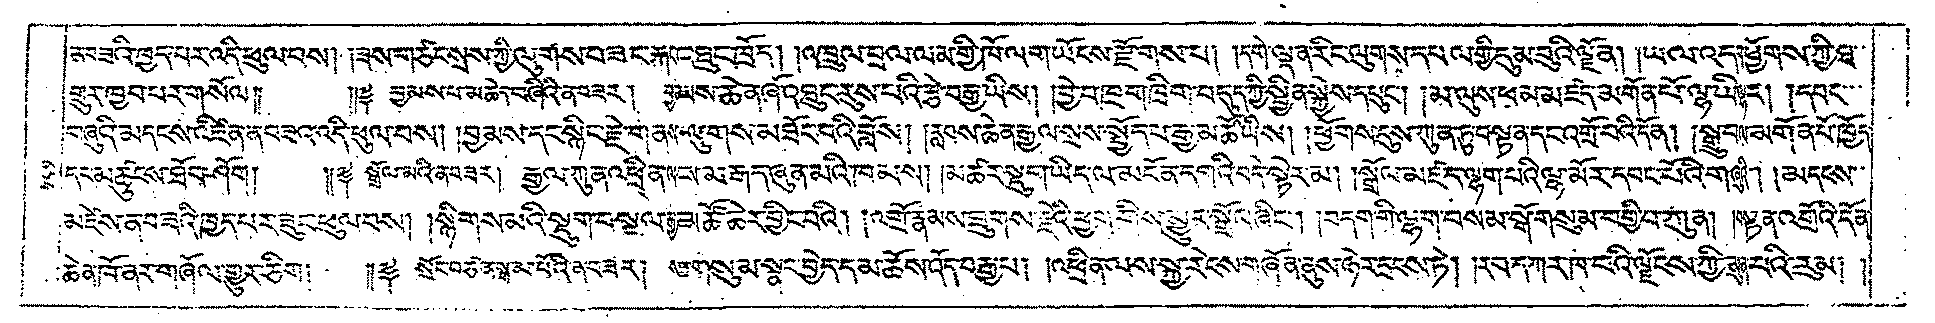ན་བཟའི་ཁྱད་པར་འདི་ཕུལ་བས། །ཟས་གཙང་སྲས་ཀྱི་ལུགས་བཟང་རྐང་འཐུང་ཁྲོད། །འཁྲུལ་བྲལ་ལམ་གྱི་ཁོ་ལག་ཡོངས་རྫོགས་པ། །དགེ་ལྡན་རིང་ལུགས་དཔལ་གྱི་དུམ་བུའི་ལྗོན། །ཡལ་འདབ་ཕྱོགས་ཀྱི་ཐ་
གྲུར་ཁྱབ་པར་གསོལ།། །། ༈ བྱམས་པ་མཆེད་བཞིའི་ན་བཟར།  བྱམས་ཆེན་ཞོ་འཐུང་རུས་པའི་རྩེ་བརྒྱ་ཡིས། །བྱེ་བ་ཁྲག་ཁྲིག་བདུད་ཀྱི་སྦྱིན་སྐྱེས་དཔུང་། །མ་ལུས་ཕམ་མཛད་མགོན་པོ་ལྷ་ཡི་ལྷར། །དབང་
གཞུའི་མདངས་འཛིན་ན་བཟའ་འདི་ཕུལ་བས། །བྱམས་དང་སྙིང་རྗེ་གནས་ལུགས་མཐོང་བའི་བློས། །རླབས་ཆེན་རྒྱལ་སྲས་སྤྱོད་པ་རྒྱ་མཚོ་ཡིས། །ཕྱོགས་དུས་ཀུན་ཏུ་བསྟན་དང་འགྲོ་བའི་དོན། །སྒྲུབ་ལ་མགོན་པོ་ཁྱོད་
དང་མཚུངས་ཐོབ་ཤོག ། །། ༈ སྒྲོལ་མའི་ན་བཟར།  རྒྱལ་ཀུན་འཕྲིན་ལས་མརྒད་ཞུན་མའི་ཁམས། །མཚར་སྡུག་ཡིད་ལ་མངོན་དགའི་བདེ་སྟེར་མ། །སྒྲོལ་མཛད་ལྷག་པའི་ལྷ་མོར་དབང་པོའི་གཞུའི། །མདངས་
མཛེས་ན་བཟའི་ཁྱད་པར་ཟུང་ཕུལ་བས། །སྙིགས་མའི་སྡུག་བསྔལ་རྒྱ་མཚོ་ཆེར་བྱིང་བའི། །འགྲོ་རྣམས་ཐུགས་རྗེའི་ཕྱག་གིས་མྱུར་སྒྲོལ་ཞིང་། །བདག་གི་ལྷག་བསམ་སྒོ་གསུམ་བགྱི་བ་ཀུན། །བསྟན་འགྲོའི་དོན་
ཆེན་ཁོ་ནར་གཞོལ་གྱུར་ཅིག ། །། ༈ སྲོང་བཙན་སྒམ་པོའི་ན་བཟར།  ས་གསུམ་སྣང་བྱེད་དམ་ཆོས་འོད་བརྒྱ་པ། །འཕྲིན་ལས་སྐྱ་རེངས་གཞོན་ནུས་ཉེར་དྲངས་ཏེ། །རབ་དཀར་ཁ་བའི་ལྗོངས་ཀྱི་མུན་པའི་རུམ། །